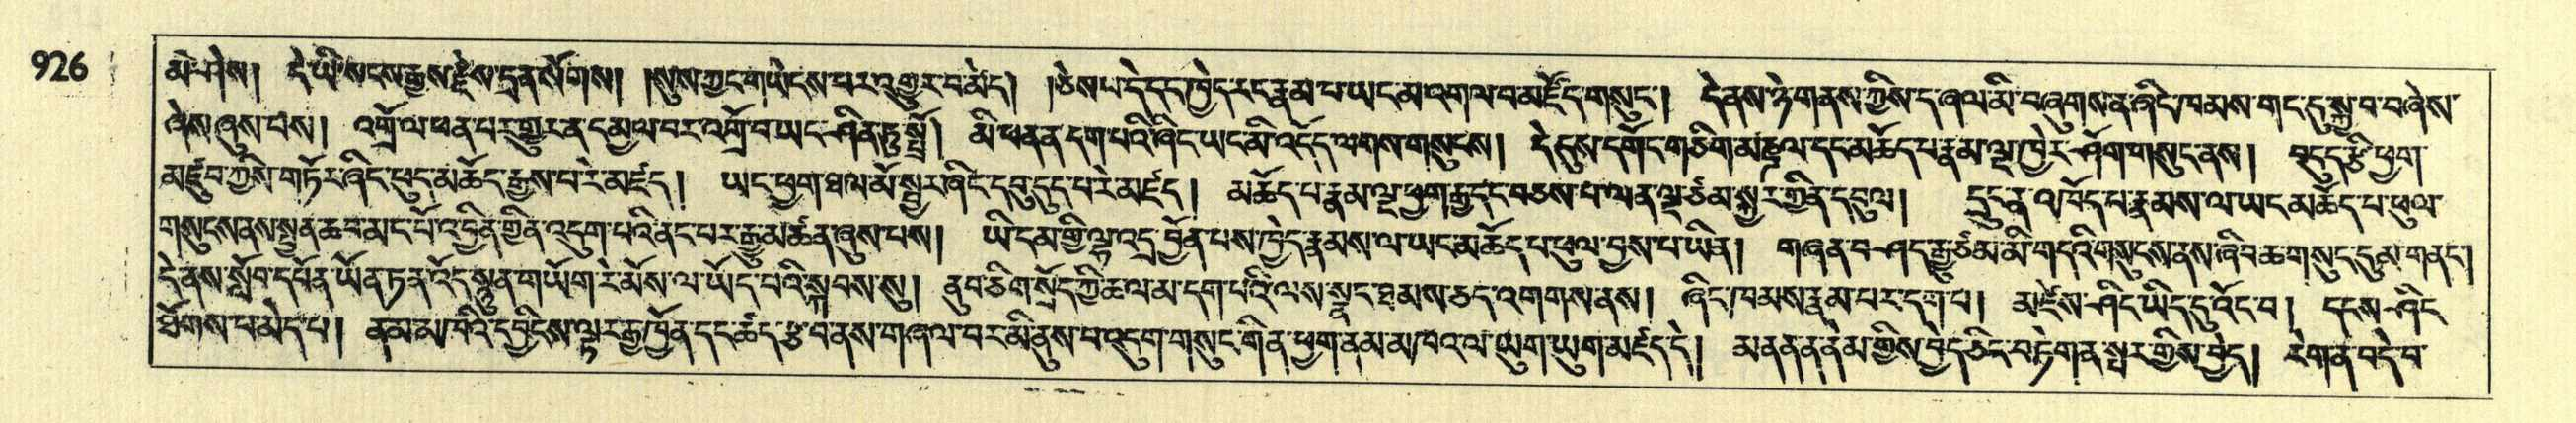མེ་ཤེས། དེ་ཡི་སངས་རྒྱས་རྗེས་དྲན་སོགས། །སུས་ཀྱང་གཡེངས་པར་འགྱུར་བ་མེད། །ཅེས་པ་དེ་དང་ཁྱེད་རང་རྣམ་པ་ཡང་མ་འགལ་བ་མཛོད་གསུང་། དེ་ནས་ཉེ་གནས་ཀྱིས་ད་ཞལ་མི་བཞུགས་ན་ཞིང་ཁམས་གང་དུ་སྐྱ་བ་བཞེས་
ཞེས་ཞུས་པས། འགྲོ་ལ་ཕན་པར་གྱུར་ན་དམྱལ་བར་འགྲོ་བ་ཡང་ཤིན་ཏུ་སྤྲོ། མི་ཕན་ན་དག་པའི་ཞིང་ཡང་མི་འདོད་ལགས་གསུངས། དེ་དུས་དགོང་གཅིག་མཎྜལ་དང་མཆོད་པ་རྣམ་ལྔ་ཁྱེར་ཤོག་གསུང་ནས། བདུད་རྩི་ཕྱག་
མཛུབ་ཀྱིས་གཏོར་ཞིང་ཕུད་མཆོད་རྒྱས་པ་རེ་མཛད། ཡང་ཕྱག་ཐལ་མོ་སྦྱར་ཞིང་དབུ་དུད་པ་རེ་མཛད། མཆོད་པ་རྣམ་ལྔ་ཕྱག་རྒྱ་དང་བཅས་པ་ལན་ལྔ་ཙམ་སྐྱར་ཀྱིན་དབུལ། དྲུང་ན་འཁོད་པ་རྣམས་ལ་ཡང་མཆོད་པ་ཕུལ་
གསུངས་ནས་སྤྱན་ཆབ་མང་པོ་འབྱིན་གྱིན་འདུག་པའི་ནང་པར་རྒྱུ་མཚན་ཞུས་པས། ཡི་དམ་གྱི་ལྷ་འདྲ་བྱོན་པས་ཁྱེད་རྣམས་ལ་ཡང་མཆོད་པ་ཕུལ་བྱས་པ་ཡིན། གཞན་བཤད་རྒྱུ་ཙམ་མི་གདའི་གསུངས་ནས་ཞིབ་ཆ་གསུང་དུམ་གནང་།
དེ་ནས་སློབ་དཔོན་ཡོན་ཏན་འོད་སྙུན་གཡོག་རེ་མོས་ལ་ཡོད་པའི་སྐབས་སུ། ནུབ་ཅིག་སྲོད་ཀྱི་ཆ་ལ་མ་དག་པའི་ལས་སྣང་ཐམས་ཅད་འགགས་ནས། ཞིང་ཁམས་རྣམ་པར་དག་པ། མཛེས་ཤིང་ཡིད་དུ་འོང་བ། དངས་ཤིང་
ཐོགས་པ་མེད་པ། ནམ་མཁའི་དབྱིངས་ལྟར་རྒྱ་ཁྱོན་དང་ཚད་རྩ་བ་ནས་གཞལ་བར་མི་ནུས་པ་འདུག་གསུང་གིན་ཕྱག་ནམ་མཁའ་ལ་ཡུག་ཡུག་མཛད་དེ། མནན་ན་ནེམ་གྱིས་བྱེད་ཅིང་བཏེག་ན་སྤར་གྱིས་བྱེད། རེག་ན་བདེ་བ་